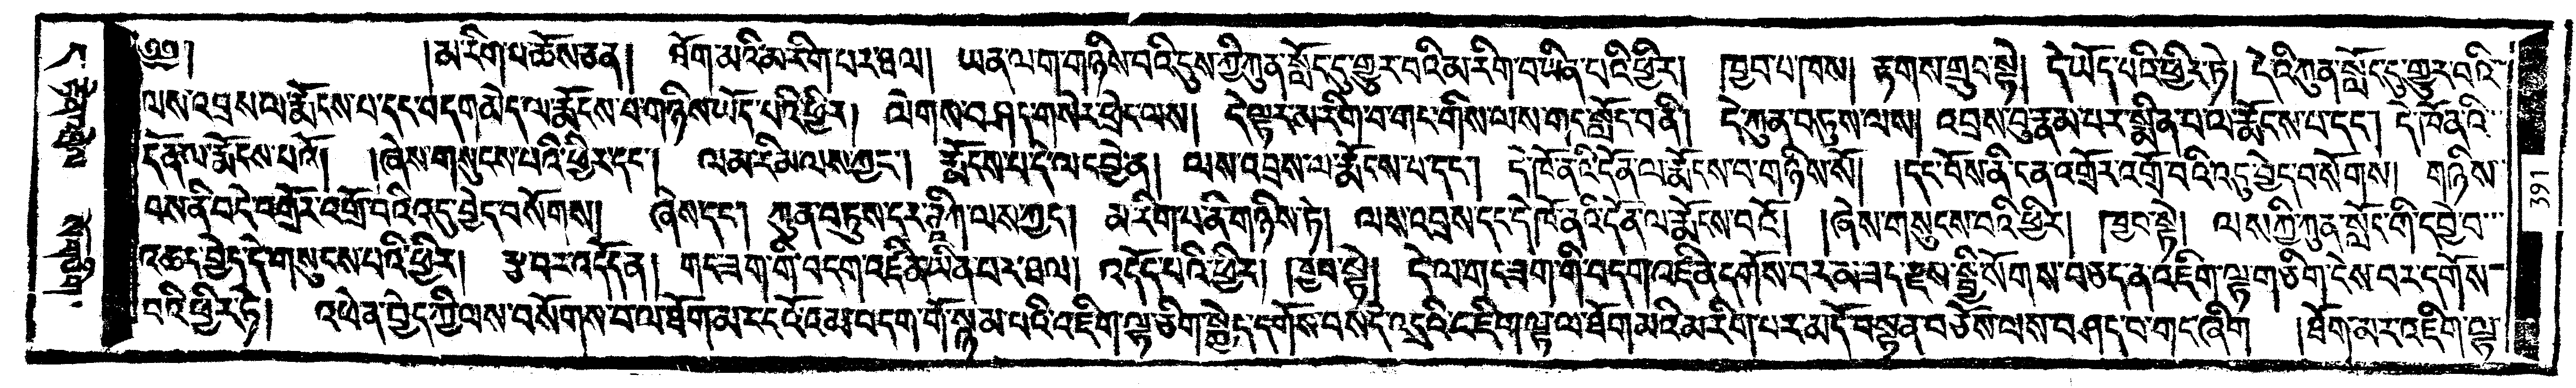༄༅། །མ་རིག་པ་ཆོས་ཅན། ཐོག་མའི་མ་རིག་པར་ཐལ། ཡན་ལག་གཉིས་པའི་དུས་ཀྱི་ཀུན་སློང་དུ་གྱུར་བའི་མ་རིག་པ་ཡིན་པའི་ཕྱིར། ཁྱབ་པ་ཁས། རྟགས་གྲུབ་སྟེ། དེ་ཡོད་པའི་ཕྱིར་ཏེ། དེའི་ཀུན་སློང་དུ་གྱུར་བའི་
ལས་འབྲས་ལ་རྨོངས་པ་དང་བདག་མེད་ལ་རྨོངས་པ་གཉིས་ཡོད་པའི་ཕྱིར། ལེགས་བཤད་གསེར་ཕྲེང་ལས། དེ་ལྟར་མ་རིག་པ་གང་གིས་ལས་གང་སློང་བ་ནི། དེ་ཀུན་བཏུས་ལས། འབྲས་བུ་རྣམ་པར་སྨིན་པ་ལ་རྨོངས་པ་དང་། དེ་ཁོ་ནའི་
དོན་ལ་རྨོངས་པའོ། །ཞེས་གསུངས་པའི་ཕྱིར་དང་། ལམ་རིམ་ལས་ཀྱང་། རྨོངས་པ་དེ་ལ་དབྱེ་ན། ལས་འབྲས་ལ་རྨོངས་པ་དང་། དེ་ཁོ་ནའི་དོན་ལ་རྨོངས་པ་གཉིས་སོ། །དང་པོས་ནི་ངན་འགྲོར་འགྲོ་བའི་འདུ་བྱེད་བ་སོགས། གཉིས་
པས་ནི་བདེ་འགྲོར་འགྲོ་བའི་འདུ་བྱེད་བ་སོགས། ཞེས་དང་། ཀུན་བཏུས་དར་ཊཱིཀ་ལས་ཀྱང་། མ་རིག་པ་ནི་གཉིས་ཏེ། ལས་འབྲས་དང་དེ་ཁོ་ནའི་དོན་ལ་རྨོངས་བའོ། །ཞེས་གསུངས་པའི་ཕྱིར། ཁྱབ་སྟེ། ལས་ཀྱི་ཀུན་སློང་གི་དབྱེ་བ་
འཆད་བྱེད་དེ་གསུངས་པའི་ཕྱིར། རྩ་བར་འདོད་ན། གང་ཟག་གི་བདག་འཛིན་ཡིན་པར་ཐལ། འདོད་པའི་ཕྱིར། ཁྱབ་སྟེ། དེ་ལ་གང་ཟག་གི་བདག་འཛིན་དགོས་པར་མ་ཟད་རྫས་སྤྱི་སོགས་བཅད་ན་འཇིག་ལྟ་གཅིག་ངེས་བར་དགོས་
པའི་ཕྱིར་ཏེ། འཕེན་བྱེད་ཀྱི་ལས་བསོགས་བ་ལ་ཐོག་མ་རང་འོ་འམ་བདག་གོ་སྙམ་པའི་འཇིག་ལྟ་ཅིག་སྐྱེད་དགོས་པས་དེ་འདྲའི་འཇིག་ལྟ་ལ་ཐོག་མའི་མ་རིག་པར་མདོ་བསྟན་བཅོས་ལས་བཤད་པ་གང་ཞིག །ཐོག་མར་འཇིག་ལྟ་